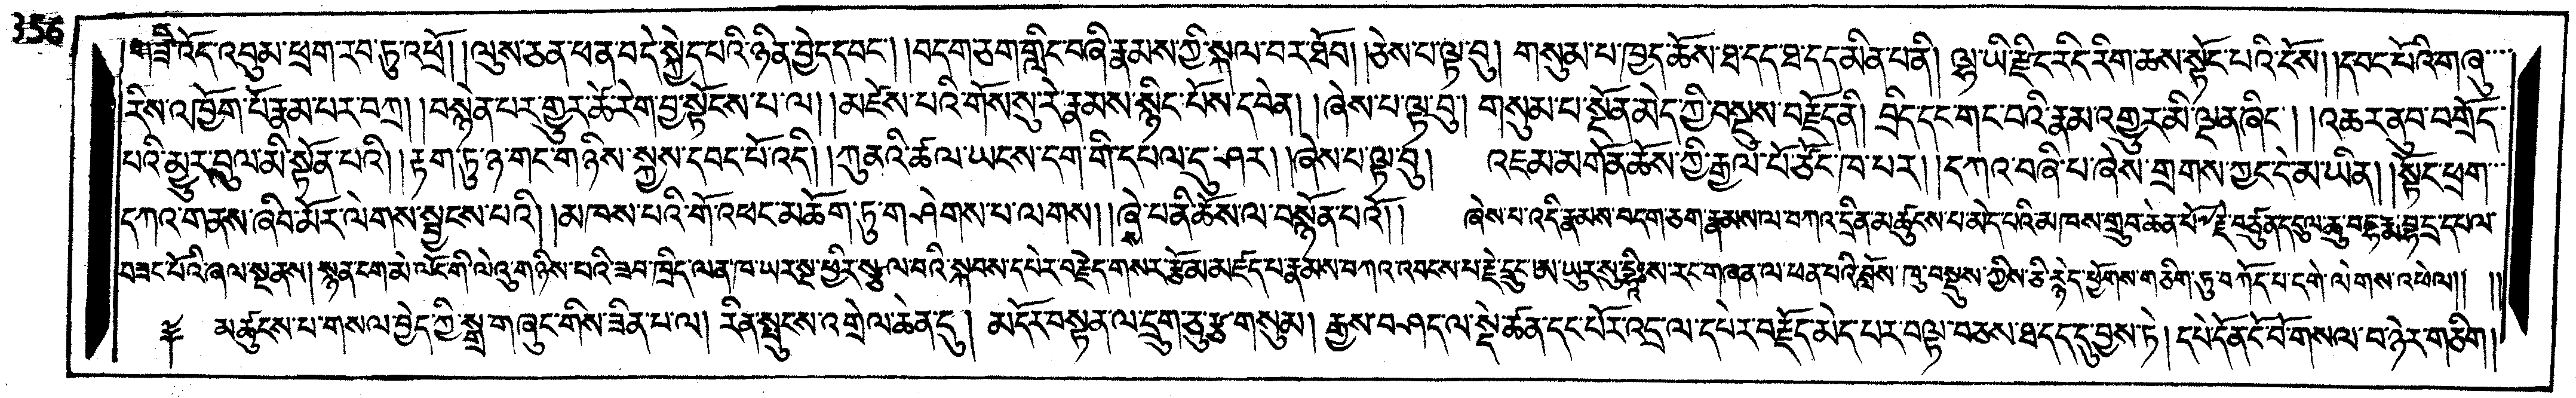གཟི་འོད་འབུམ་ཕྲག་རབ་ཏུ་འཕྲོ། །ལུས་ཅན་ཕན་བདེ་སྐྱེད་པའི་ཉིན་བྱེད་དབང་། །བདག་ཅག་གླིང་བཞི་རྣམས་ཀྱི་སྐལ་བར་ཐོབ། །ཅེས་པ་ལྟ་བུ། གསུམ་པ་ཁྱད་ཆོས་ཐ་དད་ཐ་དད་མིན་པ་ནི། ལྷ་ཡི་རྫིང་རིང་རིག་པས་ཆས་སྟོང་པའི་ངོས། །དབང་པོའི་གཞུ་
རིས་འཁྱོག་པོ་རྣམ་པར་བཀྲ། །བསྙེན་པར་གྱུར་ཚེ་རེག་བྱ་སྟོངས་པ་ལ། །མཛེས་པའི་གོས་སུ་རེ་རྣམས་སྙིང་པོས་དབེན། །ཞེས་པ་ལྟ་བུ། གསུམ་པ་སྔོན་མེད་ཀྱི་བསྡུས་བརྗོད་ནི། བྲིད་དང་གང་བའི་རྣམ་འགྱུར་མི་ལྡན་ཞིང་། །འཆར་ནུབ་བགྲོད་
པའི་མྱུར་བུལ་མི་སྟོན་པའི། །རྟག་ཏུ་ཉ་གང་གཉིས་སྐྱེས་དབང་པོ་འདི། །ཀུ་ནའི་ཚལ་ཡངས་དག་གི་དཔལ་དུ་ཤར། །ཞེས་པ་ལྟ་བུ། འཇམ་མགོན་ཆོས་ཀྱི་རྒྱལ་པོ་ཙོང་ཁ་པར། །དཀའ་བཞི་པ་ཞེས་གྲགས་ཀྱང་དེ་མ་ཡིན། །སྟོང་ཕྲག་
དཀའ་གནས་ཞིབ་མོར་ལེགས་སྦྱངས་པའི། །མཁས་པའི་གོ་འཕངས་མཆོག་ཏུ་གཤེགས་པ་ལགས། །ཞེས་པ་ནི་ཆོས་ལ་བསྙོན་པའོ། ། ཞེས་པ་འདི་རྣམས་བདག་ཅག་རྣམས་ལ་བཀའ་དྲིན་མཚུངས་པ་མེད་པའི་མཁས་གྲུབ་ཆེན་པོ་རྗེ་བཙུན་དངུལ་ཆུ་བ་དྷརྨ་བྷ་དྲ་དཔལ་
བཟང་པོའི་ཞལ་སྔ་ནས། སྙན་ངག་མེ་ལོང་གི་ལེའུ་གཉིས་པའི་ཟབ་ཁྲིད་ལན་ཁ་ཡར་སྔ་ཕྱིར་སྩལ་བའི་སྐབས་དཔེར་བརྗོད་གསར་རྩོམ་མཛད་པ་རྣམས་བཀའ་འཕངས་པ་རྗེ་དྲུང་ཨ་ཡུར་སུ་དྷཱིཿས་རང་གཞན་ལ་ཕན་པའི་བློས་ཁུ་བསྡུས་ཀྱིས་ཅི་རྙེད་ཕྱོགས་གཅིག་ཏུ་བཀོད་པ་དགེ་ལེགས་འཕེལ།། །།
འ་མཚུངས་པ་གསལ་བྱེད་ཀྱི་སྒྲ་གཞུང་གིས་ཟིན་པ་ལ། རིན་སྤུངས་འགྲེལ་ཆེན་དུ། མདོར་བསྟན་ལ་དྲུག་ཅུ་རྩ་གསུམ། རྒྱས་བཤད་ལ་སྡེ་ཚན་དང་པོར་འདྲ་ལ་དཔེར་བརྗོད་མེད་པར་བལྟ་བཅས་ཐ་དད་དུ་བྱས་ཏེ། དཔེ་དོན་ངོ་བོ་གསལ་བ་ཉེར་གཅིག།